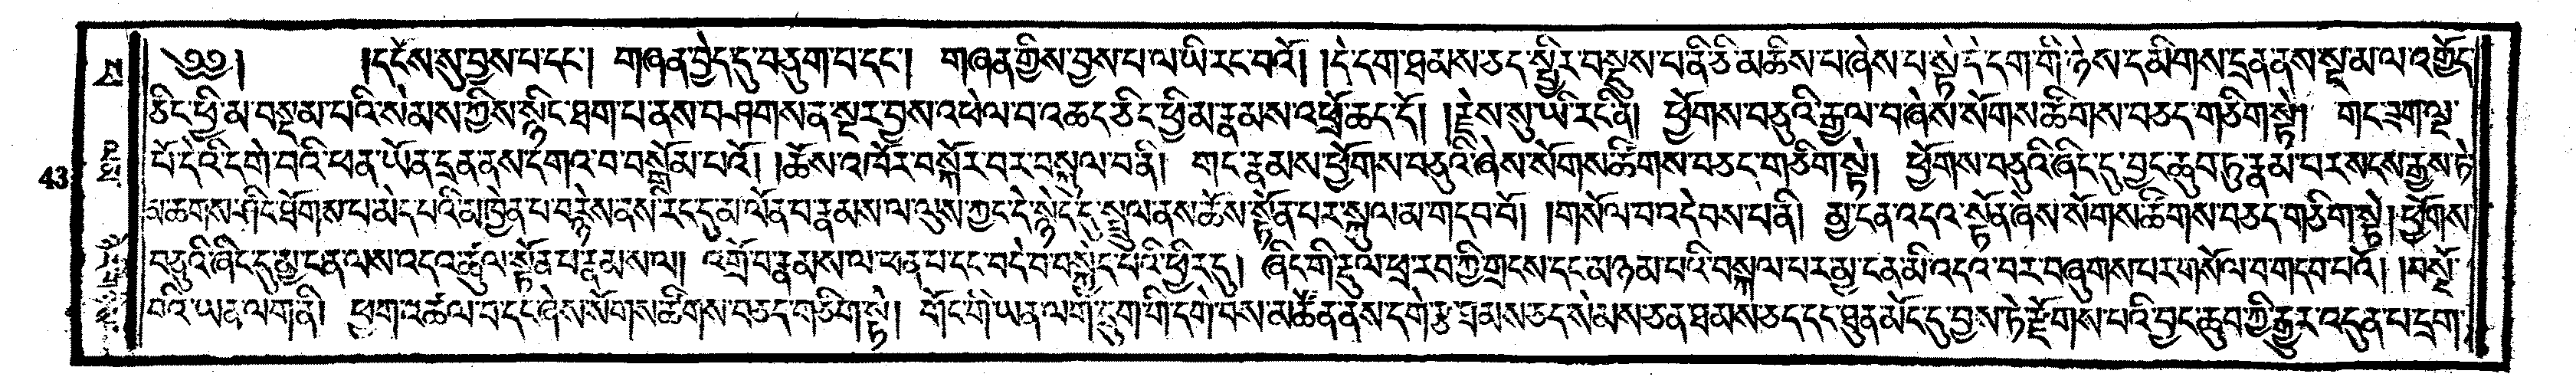༄༅། །དངོས་སུ་བྱས་པ་དང་། གཞན་བྱེད་དུ་བཅུག་པ་དང་། གཞན་གྱིས་བྱས་པ་ལ་ཡི་རང་བའོ། །དེ་དག་ཐམས་ཅད་སྤྱིར་བསྡུས་པ་ནི་ཅི་མཆིས་པ་ཞེས་པ་སྟེ་དེ་དག་གི་ཉེས་དམིགས་དྲན་ནས་སྔ་མ་ལ་འགྱོད་
ཅིང་ཕྱི་མ་བསྡམ་པའི་སེམས་ཀྱིས་སྙིང་ཐག་པ་ནས་བཤགས་ན་སྔར་བྱས་འཕེལ་བ་འཆད་ཅིང་ཕྱི་མ་རྣམས་འཕྲོ་ཆད་དོ། །རྗེས་སུ་ཡི་རང་ནི། ཕྱོགས་བཅུའི་རྒྱལ་བ་ཞེས་སོགས་ཚིགས་བཅད་གཅིག་སྟེ། གང་ཟག་ལྔ་
པོ་དེའི་དགེ་བའི་ཕན་ཡོན་དྲན་ནས་དགའ་བ་བསྒྲོམ་པའོ། །ཆོས་འཁོར་བསྐོར་བར་བསྐུལ་བ་ནི། གང་རྣམས་ཕྱོགས་བཅུའི་ཞེས་སོགས་ཚིགས་བཅད་གཅིག་སྟེ། ཕྱོགས་བཅུའི་ཞིང་དུ་བྱང་ཆུབ་ཏུ་རྣམ་པར་སངས་རྒྱས་ཏེ་
མ་ཆགས་ཤིང་ཐོགས་པ་མེད་པའི་མཁྱེན་པ་བརྙེས་ནས་རང་དུ་མ་ལོན་པ་རྣམས་ལ་ལུས་ཀྱང་དེ་སྙེད་དུ་སྤྲུལ་ནས་ཆོས་སྟོན་པར་སྐུལ་མ་གདབ་བོ། །གསོལ་བ་འདེབས་པ་ནི། མྱ་ངན་འདའ་སྟོན་ཞེས་སོགས་ཚིགས་བཅད་གཅིག་སྟེ། ཕྱོགས་
བཅུའི་ཞིང་དུ་མྱ་ངན་ལས་འདའ་ཚུལ་སྟོན་པ་རྣམས་ལ། འགྲོ་བ་རྣམས་ལ་ཕན་པ་དང་བདེ་བ་བསྐྱེད་པའི་ཕྱིར་དུ། ཞིང་གི་རྡུལ་ཕྲ་རབ་ཀྱི་གྲངས་དང་མཉམ་པའི་བསྐལ་པར་མྱ་ངན་མི་འདའ་བར་བཞུགས་པར་གསོལ་བ་གདབ་པ་འོ། །བསྔོ་
པའི་ཡན་ལག་ནི། ཕྱག་འཚལ་པ་དང་ཞེས་སོགས་ཚིགས་བཅད་གཅིག་སྟེ། གོང་གི་ཡན་ལག་དྲུག་གི་དགེ་བས་མཚོན་ནས་དགེ་རྩ་ཐམས་ཅད་སེམས་ཅན་ཐམས་ཅད་དང་ཐུན་མོང་དུ་བྱས་ཏེ་རྫོགས་པའི་བྱང་ཆུབ་ཀྱི་རྒྱུར་འདུན་པ་དྲག་